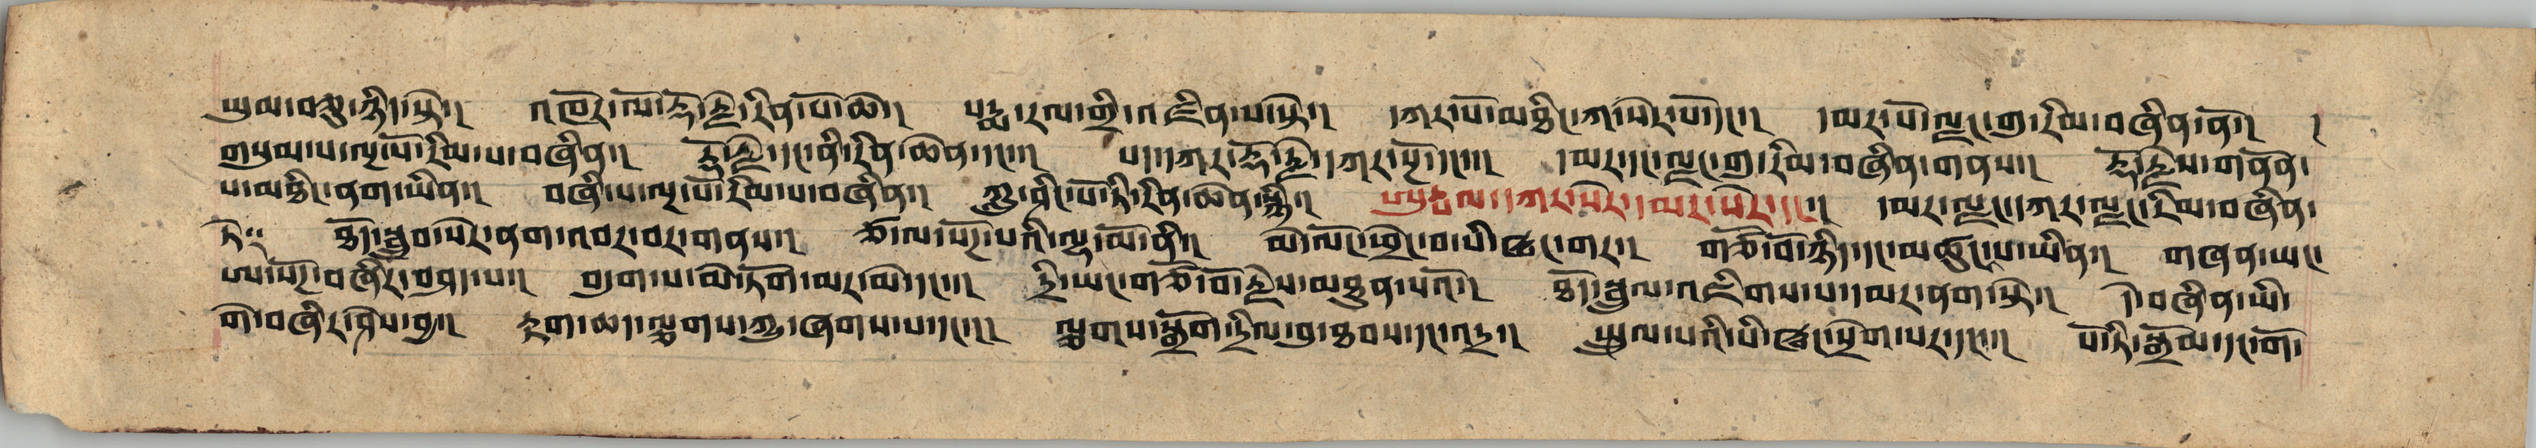ཡུམ་བཅུ་ཉིད་སྟེ་། འཁོར་ལོ་རྡོ་རྗེ་རིན་པོ་ཆེ་། པདྨ་རལ་གྲི་འཛིན་པ་སྟེ་། དཀར་པོ་མཐིང་ཀ་སེར་པོ་དང་། དམར་པོ་ལྗང་གུ་རིམ་བཞིན་ནོ་།
གསུམ་པ་ལྔ་པོ་རིམ་པ་བཞིན་། རྡོ་རྗེ་དང་ནི་རིན་ཆེན་དང་་། པད་དཀར་རྡོ་རྗེ་དཀར་སྔོ་དང་་། དམར་དང་ལྗང་གུ་རིམ་བཞིན་གནས་། རྡོ་རྗེས་གནོན་
པ་མཐིང་ནག་ཡིན་། བཞི་པ་ལྔ་པོ་རིམ་པ་བཞིན་། ཀླུ་ཤིང་པོ་ཏི་རིན་ཆེན་སྙི་། ཨུཏྤལ་དཀར་སེར་དམར་སེར་དང་། དམར་ལྗང་དཀར་ལྗང་རིམ་བཞིན་
ཏེ༑ ཐོད་སྦྲུབ་སེར་ནག་འབར་བར་གནས་། ཙ་ལ་སོཌ་པའི་ལྷ་མོ་ནི་། མེ་ལོང་ཕྲེང་བ་པི་ཝང་གར་། གཙོ་བོ་ཉིད་དང་མཚུང་པ་ཡིན་། གཞན་ཡང་
ཨ་སོཌ་བཞིར་བཤད་པ་། བདུག་པ་མེ་ཏོག་མར་མེ་དང་་། དྲི་ཡང་གཙོ་བོ་རྗེས་མཐུན་པའོ་། ཐོད་སྦྲུལ་འཇིགས་པ་དམར་ནག་སྟེ་། དེ་བཞིན་ཡི་
གེ་བཞིར་ཤེས་བྱ་། རྟག་ཆད་ལྕགས་ཀྱུ་ཞགས་པ་དང་།། ལྕགས་སྒྲོག་དྲིལ་བུ་ཐབས་དང་འདྲ་། སྤྲུལ་པའི་པི་ཝང་སྲེག་པར་དང་་། པོ་ཏི་སྒྲོམ་དང་གོ་